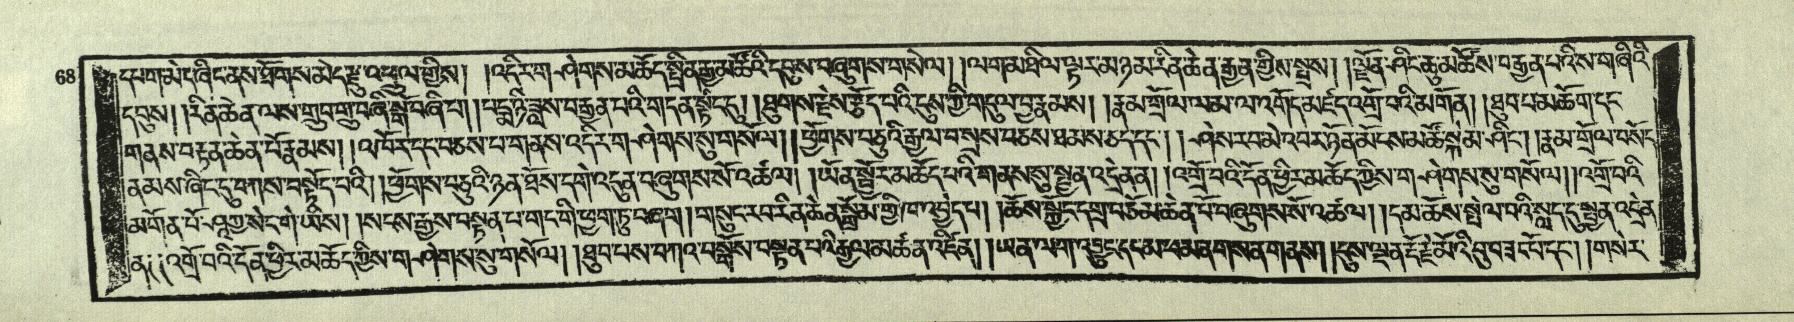དཔག་མེད་ཞིང་ནས་ཐོགས་མེད་རྫུ་འཕྲུལ་གྱིས། །འདིར་གཤེགས་མཆོད་སྤྲིན་རྒྱ་མཚོའི་དབུས་བཞུགས་གསེལ། །ལག་མཐིལ་ལྟར་མཉམ་རིན་ཆེན་རྒྱན་གྱིས་སྤྲས། །ལྗོན་ཤིང་ཆུ་མཚོས་བརྒྱན་པའི་ས་གཞིའི་
དབུས། །རིན་ཆེན་ལས་གྲུབ་གྲུ་བཞི་སྒོ་བཞི་པ། །པདམ་ཉི་ཟླས་བརྒྱན་པའི་གདན་སྟིང་དུ། །ཐུགས་རྗེས་རྩོད་པའི་དུས་ཀྱི་གདུལ་བྱ་རྣམས། །རྣམ་གྲོལ་ལམ་ལ་འགོད་མཛད་འགྲོ་བའི་མགོན། །ཐུབ་པ་མཆོག་དང་
གནས་བརྟན་ཆེན་པོ་རྣམས། །འཁོར་དང་བཅས་པ་གནས་འདིར་གཤེགས་སུ་གསོལ། །ཕྱོགས་བཅུའི་རྒྱལ་བ་སྲས་བཅས་ཐམས་ཅད་དང་། །ཤེས་རབ་མེ་འབར་ཉོན་མོངས་མཚོ་སྐེམ་ཤིང་། །རྣམ་གྲོལ་བསོད་
ནམས་ཞིང་དུ་བཀས་བསྟོད་པའི། །ཕྱོགས་བཅུའི་ཉན་ཐོས་དགེ་འདུན་བཞུགས་སོ་འཚལ། །ཡོན་སྦྱོར་མཆོད་པའི་གནས་སུ་སྤྱན་འདྲེན་ན། །འགྲོ་བའི་དོན་ཕྱིར་མཆོད་ཀྱིས་གཤེགས་སུ་གསོལ། །འགྲོ་བའི་
མགོན་པོ་ཤཱཀྱ་སེང་གེ་ཡིས། །སངས་རྒྱས་བསྟན་པ་གང་གི་ཕྱག་ཏུ་བཞག །གསུང་རབ་རིན་ཆེན་སྒྲོམ་གྱི་ཁ་འབྱེད་པ། །ཆོས་སྐྱོང་དགྲ་བཅོམ་ཆེན་པོ་བཞུགས་སོ་འཚལ། །དམ་ཆོས་སྤེལ་བའི་སླད་དུ་སྤྱན་འདྲེན་
ན༑ ༑འགྲོ་བའི་དོན་ཕྱིར་མཆོད་ཀྱིས་གཤེགས་སུ་གསོལ། །ཐུབ་པས་བཀའ་བསྒོས་བསྟན་པའི་རྒྱལ་མཚན་འཛིན། །ཡན་ལག་འབྱུང་དང་མ་ཕམ་ནགས་ན་གནས། །དུས་ལྡན་རྡོ་རྗེ་མོའི་བུ་བཟང་པོ་དང་། གསེར་